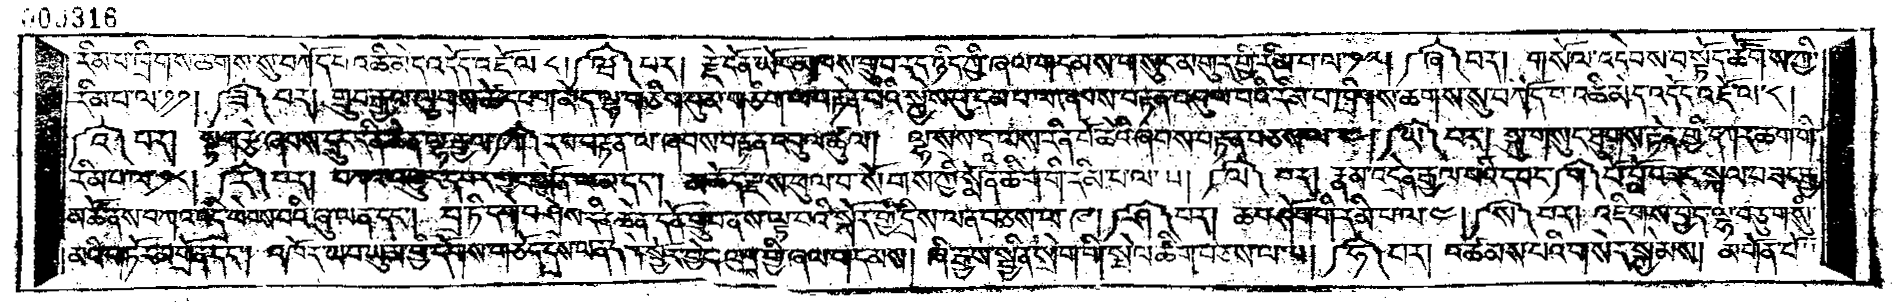རིམ་པ་ཁྲིགས་ཆགས་སུ་བཀོད་པ་འཆི་མེད་འདོད་འཇོ་ལ ༨། ༼ཝ༽ པར། རྗེ་དོན་ཡོད་མཁས་གྲུབ་རང་ཉིད་ཀྱི་ཞལ་གདམས་གསུང་མ་གུར་གྱི་རིམ་པ་ལ ༡༢། ༼ཞ༽ པར། གསོལ་འདེབས་བསྟོད་ཚོགས་ཀྱི་
རིམ་པ་ལ ༡༡། ༼ཟ༽ པར། གྲུབ་རྒྱལ་ལུགས་ཚེ་དཔག་མེད་ལྷ་གཅིག་བུམ་གཅིག་ལ་བརྟེན་པའི་སྐྱེས་བུ་དམ་པ་ལ་ཞབས་བརྟན་འབུལ་པའི་རིམ་པ་ཁྲིགས་ཆགས་སུ་བཀོད་པ་འཆི་མེད་འདོད་འཇོ་ལ ༨།
༼འ༽ པར། སྟག་རྩེ་ཞབས་དྲུང་རིན་ཆེན་ལྷ་རྒྱལ ༼ཀ༽ རབ་བརྟན་ལ་ཞབས་བརྟན་འབུལ་ཚུལ། ལྷ་སྲས་དཱ་ལས་རིན་པོ་ཆེའི་ཞབས་བརྟན་བཅས་ལ ༤། ༼ཡ༽ པར། སྐུ་གསུང་ཐུགས་རྟེན་གྱི་དཀར་ཆག་གི་
རིམ་པ་ལ ༡༨། ༼ར༽ པར། བཀའ་འགྱུར་དཔར་བྱང་སྨོན་ལམ་དང་། མཆོད་རྫས་ཕུལ་བ་སོགས་ཀྱི་སྨོན་ཚིག་གི་རིམ་པ་ལ ༥། ༼ལ༽ པར། རྣམ་འདྲེན་རྒྱལ་པའི་དབང ༼ག༽ པོ་བློ་བཟང་སྐལ་བཟང་རྒྱ་
མཚོ་ནས་བཀའ་འདྲི་ཕེབས་པའི་ཞུ་ལན་དང་། པྲ་ཏི་དགེ་བཤེས་རིན་ཆེན་དོན་གྲུབ་ནས་ལྟ་བའི་སྐོར་གྱི་དྲིས་ལན་བཅས་ལ ༩། ༼ཤ༽ པར། ཆབ་ཤོག་གི་རིམ་པ་ལ ༤། ༼ས༽ པར། འཇིགས་བྱེད་ལྷ་བཅུ་གསུཾ་
མའི་གཏོར་མགྲོན་དང་། འཁོར་ཡབ་ཡུམ་གྱི་དོགས་གཅོད་དྲིས་ལན་དགེ་སྦྱོར་བྱེད་ལུགས་གྱི་ཞལ་གདམས། ཞི་རྒྱས་སྦྱིན་སྲེག་གི་སྤེལ་ཚིག་བཅས་ལ ༥། ༼ཧ༽ པར། འཚམས་པའི་གསེར་སྐྱེམས། མགོན་པོ་